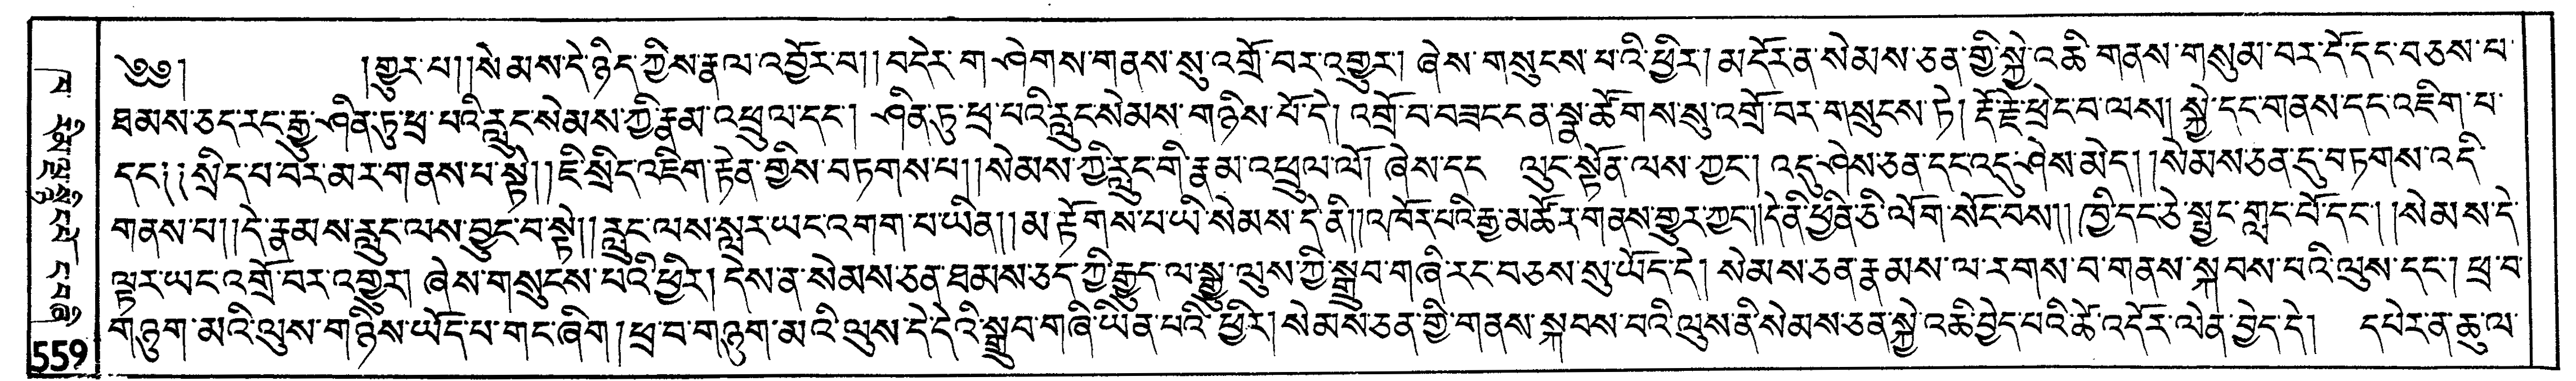༄༅། །གྱུར་པ། །སེམས་དེ་ཉིད་ཀྱིས་རྣལ་འབྱོར་བ། །བདེར་གཤེགས་གནས་སུ་འགྲོ་བར་འགྱུར། ཞེས་གསུངས་པའི་ཕྱིར། མདོར་ན་སེམས་ཅན་གྱི་སྐྱེ་འཆི་གནས་གསུམ་བར་དོ་དང་བཅས་པ་
ཐམས་ཅད་རང་རྒྱུ་ཤིན་ཏུ་ཕྲ་བའི་རླུང་སེམས་ཀྱི་རྣམ་འཕྲུལ་དང་། ཤིན་ཏུ་ཕྲ་བའི་རླུང་སེམས་གཉིས་པོ་དེ། འགྲོ་བ་བཟང་ངན་སྣ་ཚོགས་སུ་འགྲོ་བར་གསུངས་ཏེ། རྡོ་རྗེ་ཕྲེང་བ་ལས། སྐྱེ་དང་གནས་དང་འཇིག་པ་
དང༑ ༑སྲིད་པ་བར་མར་གནས་པ་སྟེ། །ཇི་སྲིད་འཇིག་རྟེན་གྱིས་བཏགས་པ། །སེམས་ཀྱི་རླུང་གི་རྣམ་འཕྲུལ་ལོ། ཞེས་དང་ལུང་སྟོན་ལས་ཀྱང་། འདུ་ཤེས་ཅན་དང་འདུ་ཤེས་མེད། །སེམས་ཅན་དུ་བཏགས་འདི་
གནས་པ། །དེ་རྣམས་རླུང་ལས་བྱུང་བ་སྟེ། །རླུང་ལས་སླར་ཡང་འགག་པ་ཡིན། །མ་རྟོགས་པ་ཡི་སེམས་དེ་ནི། །འཁོར་བའི་རྒྱ་མཚོར་གནས་གྱུར་ཀྱང་། །དེ་ནི་ཕྱིན་ཅི་ལོག་སོང་བས། །ཁྱི་དང་ཅེ་སྤྱང་གླང་པོ་དང་། །སེམས་དེ་
ལྟར་ཡང་འགྲོ་བར་འགྱུར། ཞེས་གསུངས་པའི་ཕྱིར། དེས་ན་སེམས་ཅན་ཐམས་ཅད་ཀྱི་རྒྱུད་ལ་སྒྱུ་ལུས་ཀྱི་སྒྲུབ་གཞི་རང་བཅས་སུ་ཡོད་དེ། སེམས་ཅན་རྣམས་ལ་རགས་བ་གནས་སྐབས་པའི་ལུས་དང་། ཕྲ་བ་
གཉུག་མའི་ལུས་གཉིས་ཡོད་པ་གང་ཞིག །ཕྲ་བ་གཉུག་མའི་ལུས་དེ་དེའི་སྒྲུབ་གཞི་ཡིན་པའི་ཕྱིར། སེམས་ཅན་གྱི་གནས་སྐབས་པའི་ལུས་ནི་སེམས་ཅན་སྐྱེ་འཆི་བྱེད་པའི་ཚེ་འདོར་ལེན་བྱེད་དེ། དཔེར་ན་ཆུ་ལ་